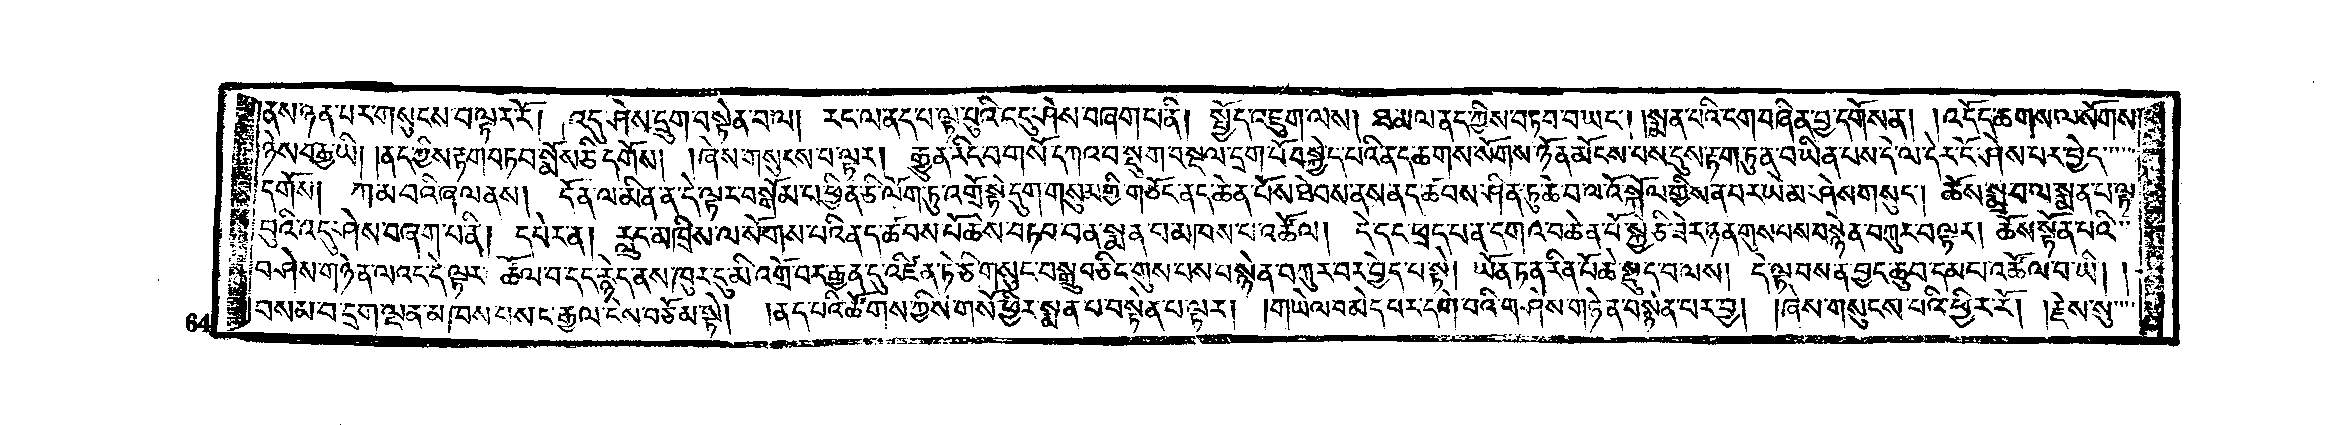ནས་ཉན་པར་གསུངས་པ་ལྟར་རོ། །འདུ་ཤེས་དྲུག་བསྟེན་པ་ལ། རང་ལ་ནད་པ་ལྟ་བུའི་འདུ་ཤེས་བཞག་པ་ནི། སྤྱོད་འཇུག་ལས། ཐ་མལ་ནད་ཀྱིས་བཏབ་པ་ཡང་། །སྨན་པའི་ངག་བཞིན་བྱ་དགོས་ན། །འདོད་ཆགས་ལ་སོགས་
ཉེས་བརྒྱ་ཡི། །ནད་ཀྱིས་རྟག་བཏབ་སྨོས་ཅི་དགོས། །ཞེས་གསུངས་པ་ལྟར། རྒྱུན་རིང་བ་གསོ་དཀའ་བ་སྡུག་བསྔལ་དྲག་པོ་བསྐྱེད་པའི་ནད་ཆགས་སོགས་ཉོན་མོངས་པས་དུས་རྟག་ཏུ་ན་བ་ཡིན་པས་དེ་ལ་དེར་ངོ་ཤེས་པར་བྱེད་
དགོས། ཀ་མ་བའི་ཞལ་ནས། དོན་ལ་མིན་ན་དེ་ལྟར་བསྒོམ་པ་ཕྱིན་ཅི་ལོག་ཏུ་འགྲོ་སྟེ་དུག་གསུམ་གྱི་གཅོང་ནད་ཆེན་པོས་ཐེབས་ནས་ནད་ཚབས་ཤིན་ཏུ་ཆེ་བ་ལ་འོ་སྐོལ་གྱིས་ན་བར་ཡེ་མ་ཤེས་གསུང་། ཆོས་སྨྲ་བ་ལ་སྨན་པ་ལྟ་
བུའི་འདུ་ཤེས་བཞག་པ་ནི། དཔེར་ན། རླུང་མཁྲིས་ལ་སོགས་པའི་ནད་ཚབས་པོ་ཆེས་བཏབ་པ་ན་སྨན་པ་མཁས་པ་འཚོལ། དེ་དང་ཕྲད་པ་ན་དགའ་བ་ཆེན་པོ་སྐྱེ་ཅི་ཟེར་ཉན་གུས་པས་བསྙེན་བཀུར་བ་ལྟར། ཆོས་སྟོན་པའི་
བཤེས་གཉེན་ལའང་དེ་ལྟར་འཚོལ་བ་དང་རྙེད་ནས་ཁུར་དུ་མི་འགྲོ་བར་རྒྱན་དུ་འཛིན་ཏེ་ཅི་གསུང་བསྒྲུབ་ཅིང་གུས་པས་བསྙེན་བཀུར་བར་བྱེད་པ་སྟེ། ཡོན་ཏན་རིན་པོ་ཆེ་སྡུད་པ་ལས། དེ་ལྟ་བས་ན་བྱང་ཆུབ་དམ་པ་འཚོལ་བ་ཡི། །
བསམ་པ་དྲག་ལྡན་མཁས་པས་ང་རྒྱལ་ངེས་བཅོམ་སྟེ། །ནད་པའི་ཚོགས་ཀྱིས་གསོ་ཕྱིར་སྨན་པ་བསྟེན་པ་ལྟར། །གཡེལ་བ་མེད་པར་དགེ་བའི་བཤེས་གཉེན་བསྟེན་པར་བྱ། །ཞེས་གསུངས་པའི་ཕྱིར་རོ། །རྗེས་སུ་